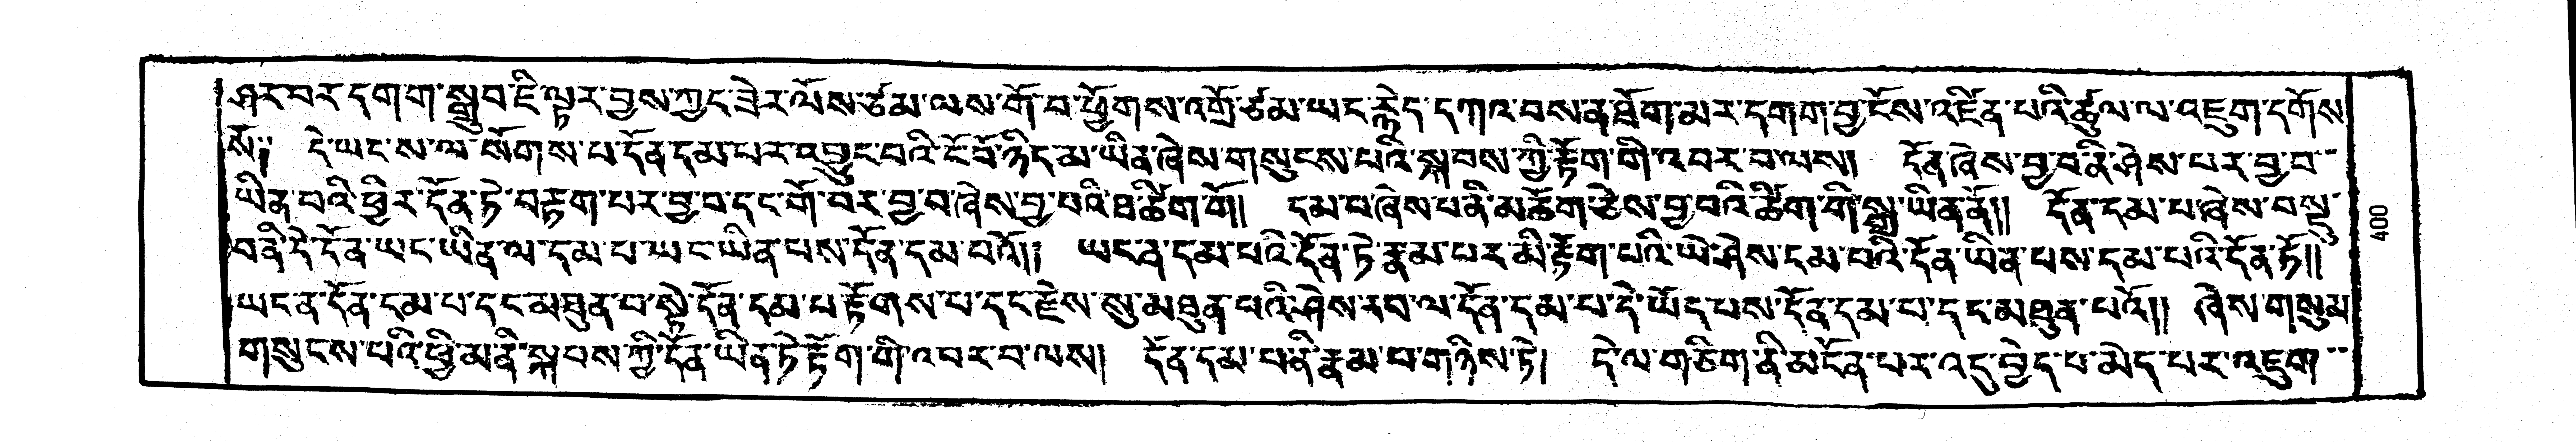ཤར་བར་དགག་སྒྲུབ་ཇི་ལྟར་བྱས་ཀྱང་ཟེར་ལོས་ཙམ་ལས་གོ་བ་ཕྱོགས་འགྲོ་ཙམ་ཡང་རྙེད་དཀའ་བས་ན་ཐོག་མར་དགག་བྱ་ངོས་འཛིན་པའི་ཚུལ་ལ་འཇུག་དགོས་
སོ༑ དེ་ཡང་ས་ལ་སོགས་པ་དོན་དམ་པར་འབྱུང་བའི་ངོ་བོ་ཉིད་མ་ཡིན་ཞེས་གསུངས་པའི་སྐབས་ཀྱི་རྟོག་གི་འབར་བ་ལས། དོན་ཞེས་བྱ་བ་ནི་ཤེས་པར་བྱ་བ་
ཡིན་པའི་ཕྱིར་དོན་ཏེ་བརྟག་པར་བྱ་བ་དང་གོ་བར་བྱ་བ་ཞེས་བྱ་བའི་ཐ་ཚིག་གོ། དམ་པ་ཞེས་པ་ནི་མཆོག་ཅེས་བྱ་བའི་ཚིག་གི་སྒྲ་ཡིན་ནོ།། དོན་དམ་པ་ཞེས་བསྡུ་
བ་ནི་དེ་དོན་ཡང་ཡིན་ལ་དམ་པ་ཡང་ཡིན་པས་དོན་དམ་པའོ།། ཡང་ན་དམ་པའི་དོན་ཏེ་རྣམ་པར་མི་རྟོག་པའི་ཡེ་ཤེས་དམ་པའི་དོན་ཡིན་པས་དམ་པའི་དོན་ཏོ།།
ཡང་ན་དོན་དམ་པ་དང་མཐུན་པ་སྟེ་དོན་དམ་པ་རྟོགས་པ་དང་རྗེས་སུ་མཐུན་པའི་ཤེས་རབ་ལ་དོན་དམ་པ་དེ་ཡོད་པས་དོན་དམ་པ་དང་མཐུན་པའོ།། ཞེས་གསུམ་
གསུངས་པའི་ཕྱི་མ་ནི་སྐབས་ཀྱི་དོན་ཡིན་ཏེ་རྟོག་གི་འབར་བ་ལས། དོན་དམ་པ་ནི་རྣམ་པ་གཉིས་ཏེ། དེ་ལ་གཅིག་ནི་མངོན་པར་འདུ་བྱེད་པ་མེད་པར་འཇུག་